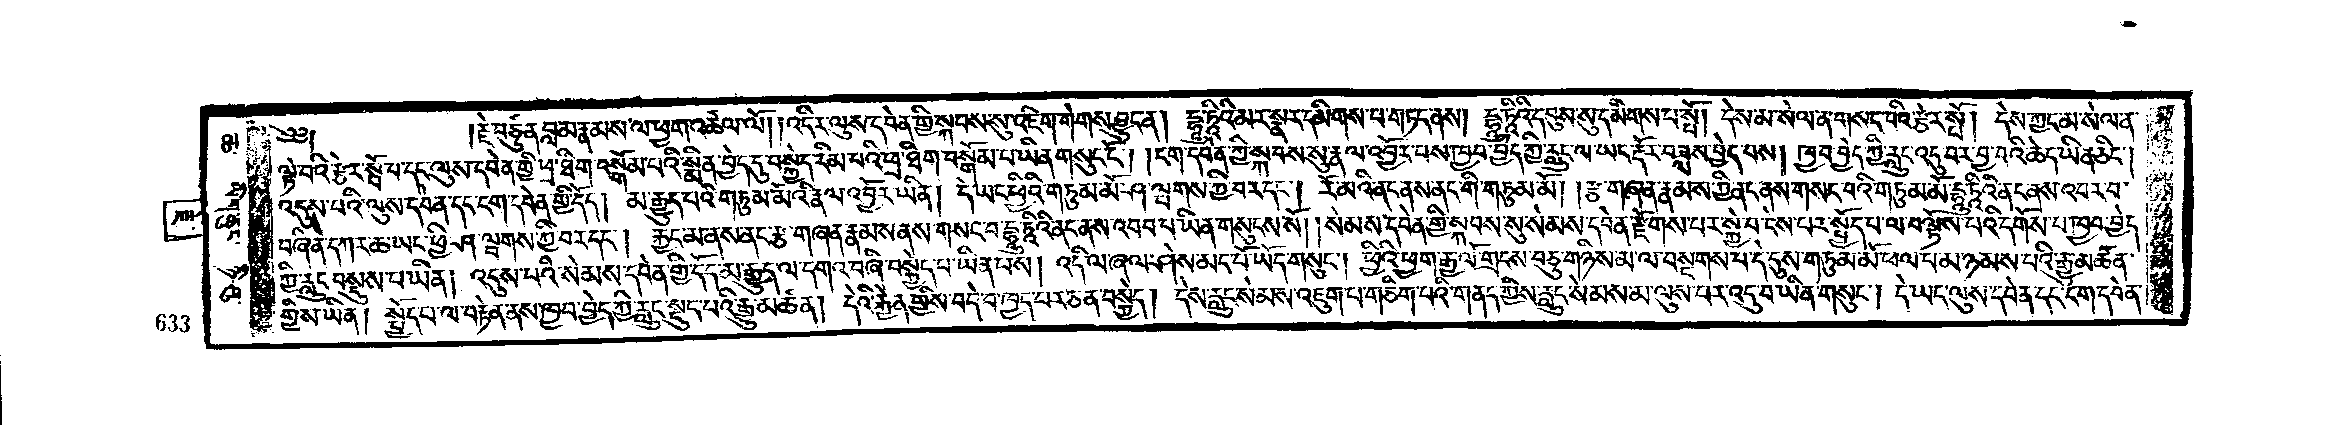༄༅། །རྗེ་བཙུན་བླ་མ་རྣམས་ལ་ཕྱག་འཚལ་ལོ། །འདིར་ལུས་དབེན་གྱི་སྐབས་སུ་འཇོག་གེགས་བྱུང་ན། དྷཱུ་ཏཱིའི་མར་སྣར་དམིགས་པ་གཏད་ནས། དྷཱུ་ཏཱིའི་དབུས་སུ་དམིགས་པ་སྤོ། དེས་མ་སེལ་ན་གསང་བའི་རྩེར་སྤོ། དེས་ཀྱང་མ་སེལ་ན་
ལྟེ་བའི་རྩར་སྤོ་བ་དང་ལུས་དབེན་གྱི་ཕྲ་ཐིག་བསྒོམ་པའི་སྨིན་བྱེད་དུ་བསྐྱེད་རིམ་པའི་ཕྲ་ཐིག་བསྒོམ་པ་ཡིན་གསུང་ངོ། །ངག་དབེན་གྱི་སྐབས་སུ་རྣལ་འབྱོར་པས་ཁྱབ་བྱེད་ཀྱི་རླུང་ལ་ཡང་རྡོར་བཟླས་བྱེད་པས། ཁྱབ་བྱེད་ཀྱི་རླུང་འདུ་བར་བྱ་བའི་ཆེད་ཡིན་ཅིང་།
འདུས་པའི་ལུས་དབེན་དང་ངག་དབེན་གྱི་དོད། མ་རྒྱུད་པའི་གཏུམ་མོའི་རྣལ་འབྱོར་ཡིན། དེ་ཡང་ཕྱིའི་གཏུམ་མོ་ཤ་ལྤགས་ཀྱི་བར་དང་། རོ་མའི་ནང་ནས་ནང་གི་གཏུམ་མོ། །རྩ་གཞན་རྣམས་ཀྱི་ནང་ནས་གསང་བའི་གཏུམ་མོ་དྷཱུ་ཏཱིའི་ནང་ནས་འབར་བ་
བཞིན་དཀར་ཆ་ཡང་ཕྱི་ཤ་ལྤགས་ཀྱི་བར་དང་། རྐྱང་མ་ནས་ནང་རྩ་གཞན་རྣམས་ནས་གསང་བ་དྷཱུ་ཏཱིའི་ནང་ནས་འབབ་པ་ཡིན་གསུངས་སོ། །སེམས་དབེན་གྱི་སྐབས་སུ་སེམས་དབེན་རྫོགས་པར་སྐྱེ་བ་ངེས་པར་སྤྱོད་པ་ལ་བལྟོས་པའི་དགོས་པ་ཁྱབ་བྱེད་
ཀྱི་རླུང་བསྡུས་པ་ཡིན། འདུས་པའི་སེམས་དབེན་གྱི་དོད་མ་རྒྱུད་ལ་དགའ་བཞི་བསྐྱེད་པ་ཡིན་པས། འདི་ལ་ཞལ་ཤེས་མང་པོ་ཡོད་གསུང་། ཕྱིའི་ཕྱག་རྒྱ་ལོ་གྲངས་བཅུ་གཉིས་མ་ལ་བསྔགས་པ་དེ་དུས་གཏུམ་མོ་ཕལ་པ་མ་ཉམས་པའི་རྒྱུ་མཚན་
གྱིས་ཡིན། སྤྱོད་པ་ལ་བརྟེན་ནས་ཁྱབ་བྱེད་ཀྱི་རླུང་སྡུད་པའི་རྒྱུ་མཚན། དེའི་རྐྱེན་གྱིས་བདེ་བ་ཁྱད་པར་ཅན་བསྐྱེད། དེས་རླུང་སེམས་འཇུག་པ་གཅིག་པའི་གནད་ཀྱིས་རླུང་སེམས་མ་ལུས་པར་འདུ་བ་ཡིན་གསུང་། དེ་ཡང་ལུས་དབེན་དང་ངག་དབེན་